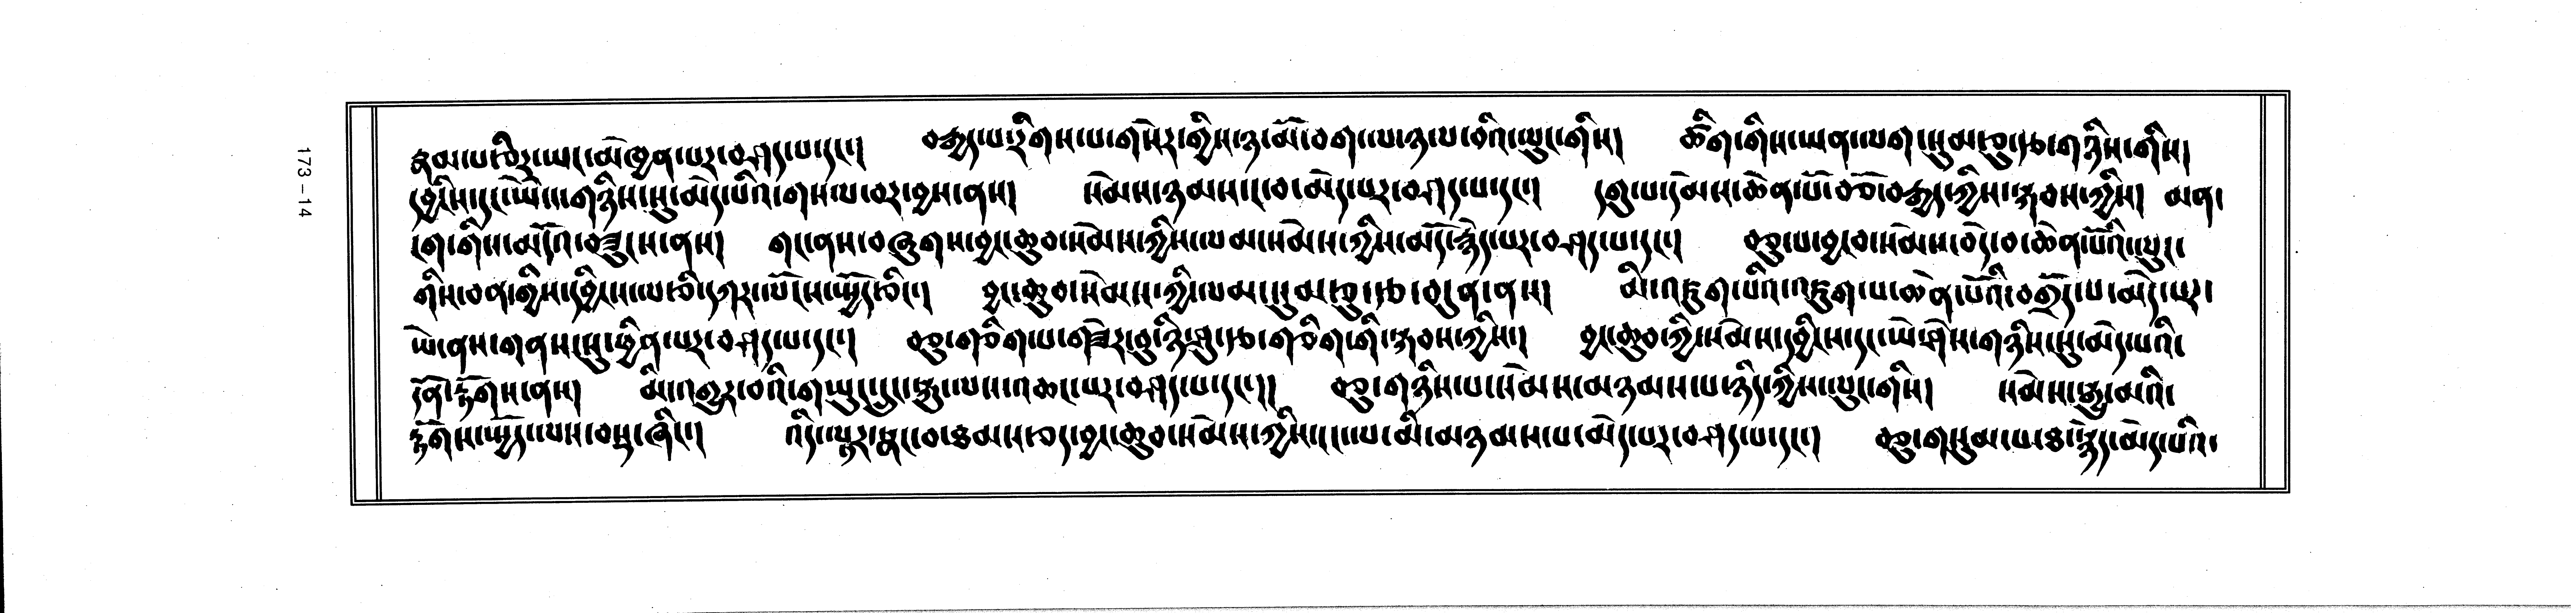རྣམ་པ་ཅིར་ཡང་མཁྱེན་པར་བཤད་པ་དང་། བརྒྱད་པ་རིག་པ་གསེར་གྱི་ཉ་མོ་བག་ལ་ཉལ་བའི་ལུང་གིས། ཚིག་གི་ཡན་ལག་སུམ་ཅུ་རྩ་གཉིས་ཀྱིས། 
དབྱིངས་དང་ཡེ་ཤེས་གཉིས་སུ་མེད་པའི་གསལ་བར་བྱས་ནས། སེམས་ཉམས་ང་བ་མེད་པར་བཤད་པ་དང་། དགུ་པ་དེམས་ཆེན་པོ་བཅོ་བརྒྱད་ཀྱི་སྐབས་ཀྱིས། མན་
ངག་གིས་མདོ་བཟུང་ནས། གང་ལ་བཞུགས་བྱང་ཆུབ་སེམས་ཀྱིས་ལམ་སེམས་ཀྱི་མདོ་རྙེད་པར་བཤད་པ་དང་། བཅུ་པ་བྱང་ཆུབ་སེམས་བདེ་བ་ཆེན་པོའི་ལུང་
གིས་བོན་གྱི་དབྱིངས་ལ་ཅི་དགར་ལོངས་སྤྱོད་ཅིང་། བྱང་ཆུབ་སེམས་ཀྱི་ལམ་སུམ་ཅུ་རྩ་བདུན་ནས། མི་འཇུག་པའི་འཇུག་པ་ཆེན་པོའི་བགྲོད་པ་མེད་པར་
ཡེ་ནས་གནས་སུ་ཕྱིན་པར་བཤད་པ་དང་། བཅུ་གཅིག་པ་གཟེར་བུ་ཉི་ཤུ་རྩ་གཅིག་གི་སྐབས་ཀྱིས། བྱང་ཆུབ་ཀྱི་སེམས་དབྱིངས་དང་ཡེ་ཤེས་གཉིས་སུ་མེད་པའི་
དོན་རྟོགས་ནས། མི་འགྱུར་བའི་གཡུང་དྲུང་སྐུ་ལས་འཆང་བར་བཤད་པ་དང་། བཅུ་གཉིས་པ་སེམས་མཉམ་པ་ཉིད་ཀྱི་ལུང་གིས། སེམས་སྒྱུ་མའི་
རྟོགས་སྤྱོད་ལས་བསྡ་༼རྟོག་དཔྱོད་ལས་བཟླ་༽ཞིང་འདི་ལྟར་སྣང་བ་ཐམས་ཅད་བྱང་ཆུབ་སེམས་ཀྱི་ངང་ལ་མི་མཉམ་པ་མེད་པར་བཤད་པ་དང་། བཅུ་གསུམ་པ་ཐ་སྙད་མེད་པའི་